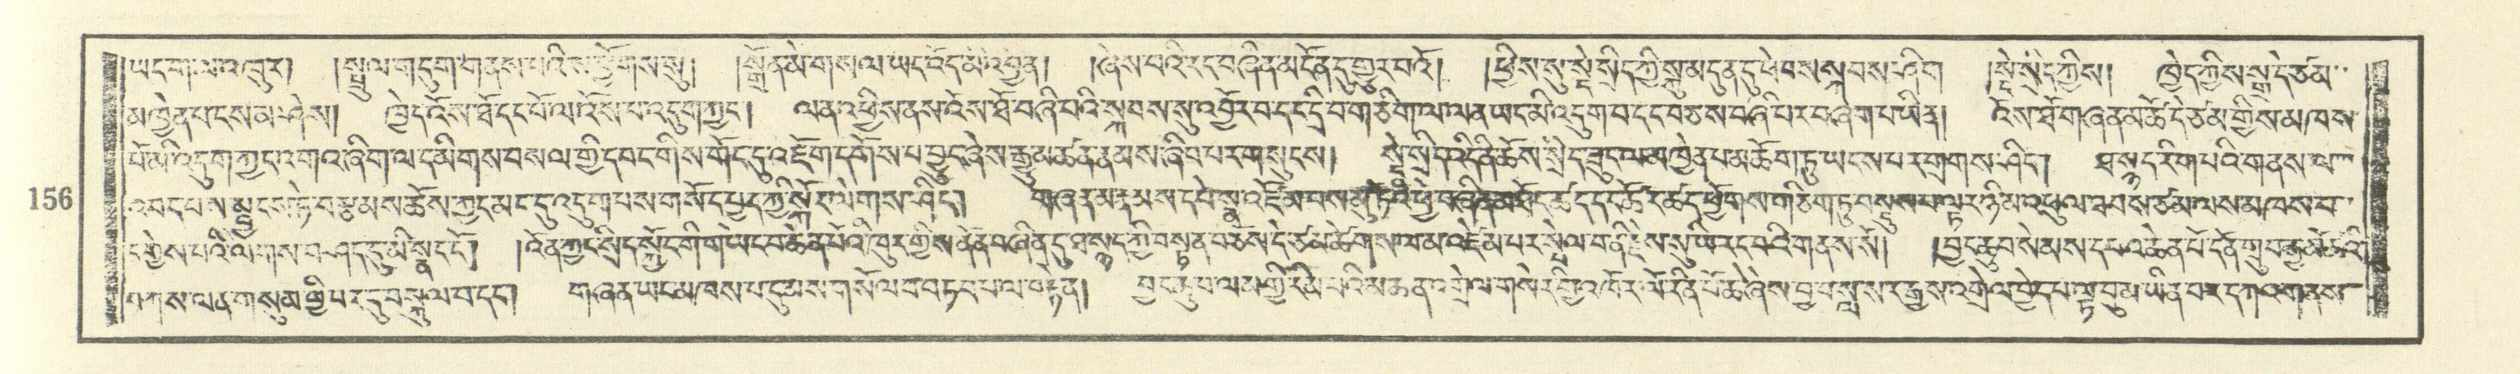ཡང་ག་ལ་འཁུར། །སྤྲུལ་གདུག་གནས་པའི་ས་ཕྱོགས་སུ། །སྒྲོན་མེ་གསལ་ཡང་འོད་མི་འབྱིན། །ཞེས་བའི་རང་བཞིན་མངོན་དུ་གྱུར་པའོ། །ཕྱིས་སུ་སྡེ་སྲིད་ཀྱི་སྐུ་མདུན་དུ་ཕེབས་སྐབས་ཤིབ། །སྡེ་སྲིད་ཀྱིས། ཁྱེད་ཀྱིས་སྒྲ་དེ་ཙམ་
མཁྱེན་པ་ངས་མ་ཤེས། ཁྱེད་འོས་ཐོ་དང་པོ་ལ་འོས་པ་འདུག་ཀྱང་། ལན་འཕྱིས་ནས་འོས་ཐོ་བཞི་པའི་སྐབས་སུ་འབྱོར་བ་དང་དྲི་བ་གཅིག་ལ་ལན་ཡང་མི་འདུག་བ་དང་བཅས་བཞི་པར་བཞག་པ་ཡིན། འོས་ཐོ་གཞན་མཚོ་དེ་ཙམ་གྱིས་མཁས་
པོ་མི་འདུག་ཀྱང་འགའ་ཞིག་ལ་དམིགས་བསལ་གྱི་དབང་གིས་གོང་དུ་འཇོག་དགོས་པ་བྱུང་ཞེས་རྒྱུ་མཚན་རྣམས་ཞིབ་པར་གསུངས། སྡེ་སྲིད་འདི་ནི་ཆོས་སྲིད་ཟུང་ལ་མཁྱེན་པ་མཆོག་ཏུ་ཡངས་པར་གྲགས་ཤིང་། ཐ་སྙད་རིག་པའི་གནས་ལ་
འབད་པས་སྦྱངས་ཏེ་བརྩམས་ཆོས་ཀྱང་མང་དུ་འདུག་པས་གསོ་དཔྱད་ཀྱི་སྐོར་ལེགས་ཤིང་། གཞན་མ་རྣམས་དཔེ་སྣ་འཛོམ་པས་མུ་ཏོའི་ཕྱེ་བཞིན་མཐོང་ཚད་དང་ཚོར་ཚད་ཕྱོགས་གཅིག་ཏུ་བསྡུས་པ་ལྟར་ཉི་མ་འཕུལ་ཐབས་ཙམ་ལས་མཁས་པ་
དགྱེས་པའི་ལེགས་བཤད་དུ་མི་སྣང་ངོ། །འོན་ཀྱང་སྲིད་སྐྱོང་གི་གཡེང་བ་ཆེན་པོའི་ཁུར་གྱིས་ནོན་བཞིན་དུ་ཐ་སྙད་ཀྱི་བསྟན་བཅོས་དེ་ཙམ་ཚེགས་ལ་མ་འཛེམ་པར་སྤེལ་བ་ནི་རྗེས་སུ་ཡི་རང་བའི་གནས་སོ། །བྱང་ཆུབ་སེམས་དཔའ་ཆེན་པོ་དོན་གྲུབ་རྒྱ་མཚོའི་
བཀས་ལན་གསུམ་གྱི་བར་དུ་བསྐུལ་བ་དང་། གཞན་ཡང་མཁས་པ་དུ་མས་གསོལ་བ་བཏབ་པ་ལ་བརྟེན། བྱང་ཆུབ་ལམ་གྱི་རིམ་པའི་མཆན་འགྲེལ་གསེར་གྱི་འཁོར་ལོ་རིན་པོ་ཆེ་ཞེས་བྱ་བ་སླ་སར་རྒྱས་འགྲེལ་བྱེད་པ་ལྟ་བུ་མ་ཡིན་པར་དཀའ་གནས་